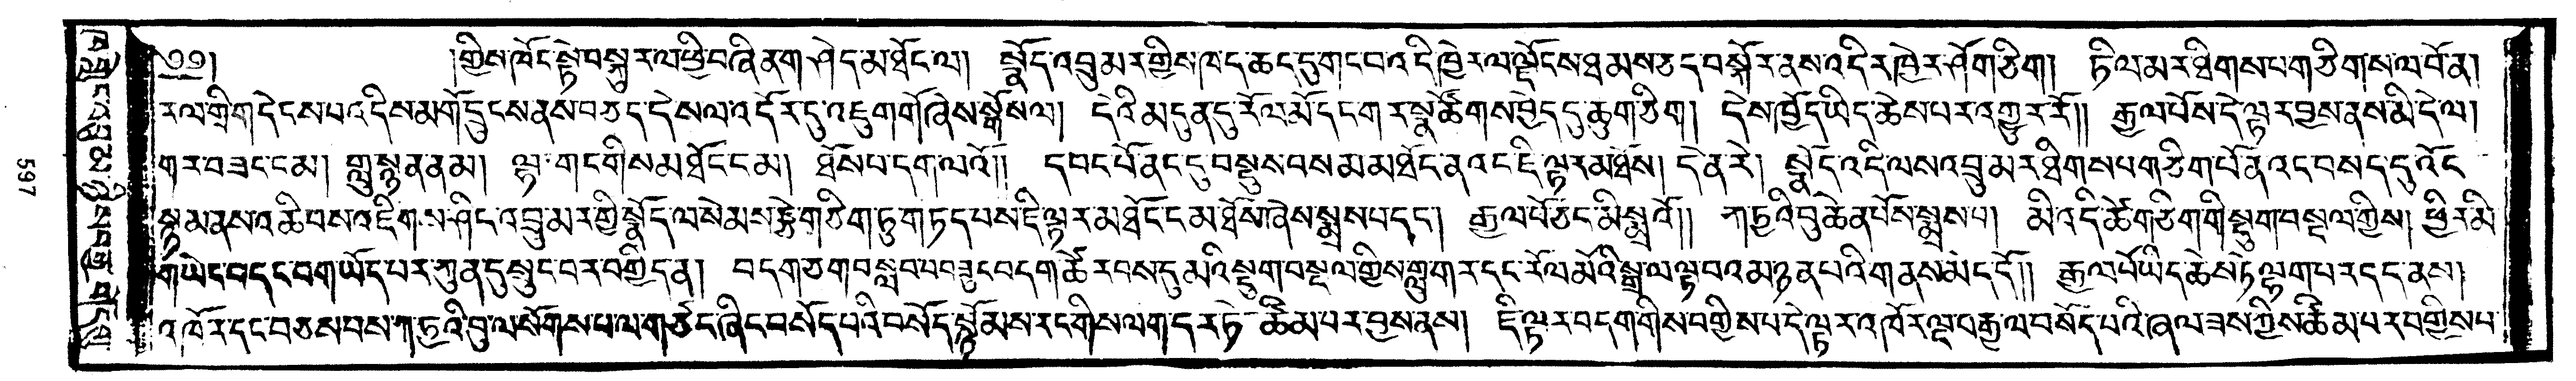༄༅། །གྱིས་ཁོང་སྟེ་བསྐུར་ལ་ཕྱི་བཞིན་གཤེད་མཐོང་ལ། སྣོད་འབྲུ་མར་གྱིས་ཁད་ཆད་དུ་གང་བ་འདི་ཁྱེར་ལ་ལྗོངས་ཐམས་ཅད་བསྐོར་ནས་འདིར་ཁྱེར་ཤོག་ཅིག། ཏིལ་མར་ཐིགས་པ་གཅིག་ས་ལ་བོ་ན།
རལ་གྲི་གདེངས་པ་འདིས་མགོ་དྲུངས་ནས་བཅད་དེ་སལ་འདོར་དུ་འཇུག་གོ་ཞེས་སྒོས་ལ། དེའི་མདུན་དུ་རོལ་མོ་དང་གར་སྣ་ཚོགས་བྱེད་དུ་ཆུག་ཅིག། དེས་ཁྱོད་ཡིད་ཆེས་པར་འགྱུར་རོ།། རྒྱལ་པོས་དེ་ལྟར་བྱས་ནས་མི་དེ་ལ།
གར་བཟང་ངམ། གླུ་སྙན་ནམ། ལྷ༑ གང་གིས་མཐོང་ངམ། ཐོས་པ་དག་ལའོ།། དབང་པོ་ནང་དུ་བསྡུས་པས་མ་མཐོང་ནའང་ཇི་ལྟར་མཐོས། དེ་ན་རེ། སྣོད་འདི་ལས་འབྲུ་མར་ཐིགས་པ་གཅིག་པོ་ནའང་བསད་དུ་འོང་
སྙམ་ནས་འཆིབས་འཇིགས་ཤིང་འབྲུ་མར་གྱི་སྣོད་ལ་སེམས་རྩེ་གཅིག་ཏུ་གཏད་པས་ཇི་ལྟར་མཐོང་ངམ་ཐོས་ཞེས་སྨྲས་པ་དང་། རྒྱལ་པོ་ཅང་མི་སྨྲའོ།། ཀ་ཏྱའི་བུ་ཆེན་པོས་སྨྲས་པ། མི་འདི་ཚེ་གཅིག་གི་སྡུག་བསྔལ་གྱིས། ཕྱིར་མི་
གཡེང་བ་དང་བག་ཡོད་པར་ཀུན་དུ་སྲུང་བར་བགྱིད་ན། བདག་ཅག་བསླབ་པ་བཟུང་བདག་ཚེ་རབས་དུ་མའི་སྡུག་བསྔལ་གྱིས་གླུ་གར་དང་རོལ་མོའི་སྒྲ་ལ་ལྟ་བའམ་ཉན་པའི་གནས་མེད་དོ།། རྒྱལ་པོ་ཡིད་ཆེས་ཏེ་ལྷག་པར་དད་ནས།
འཁོར་དང་བཅས་པས་ཀ་ཏྱའི་བུ་ལ་སོགས་པ་ལ་གཙང་ཞིང་བསོད་པའི་བསོད་སྙོམས་རང་གིས་ལག་དར་ཏེ་ཚིམ་པར་བྱས་ནས། ཇི་ལྟར་བདག་གིས་བགྱིས་པ་དེ་ལྟར་འཁོར་ལྔ་བརྒྱ་ལ་བསོད་པའི་ཞལ་ཟས་ཀྱིས་ཚིམ་པར་བགྱིས་པ་